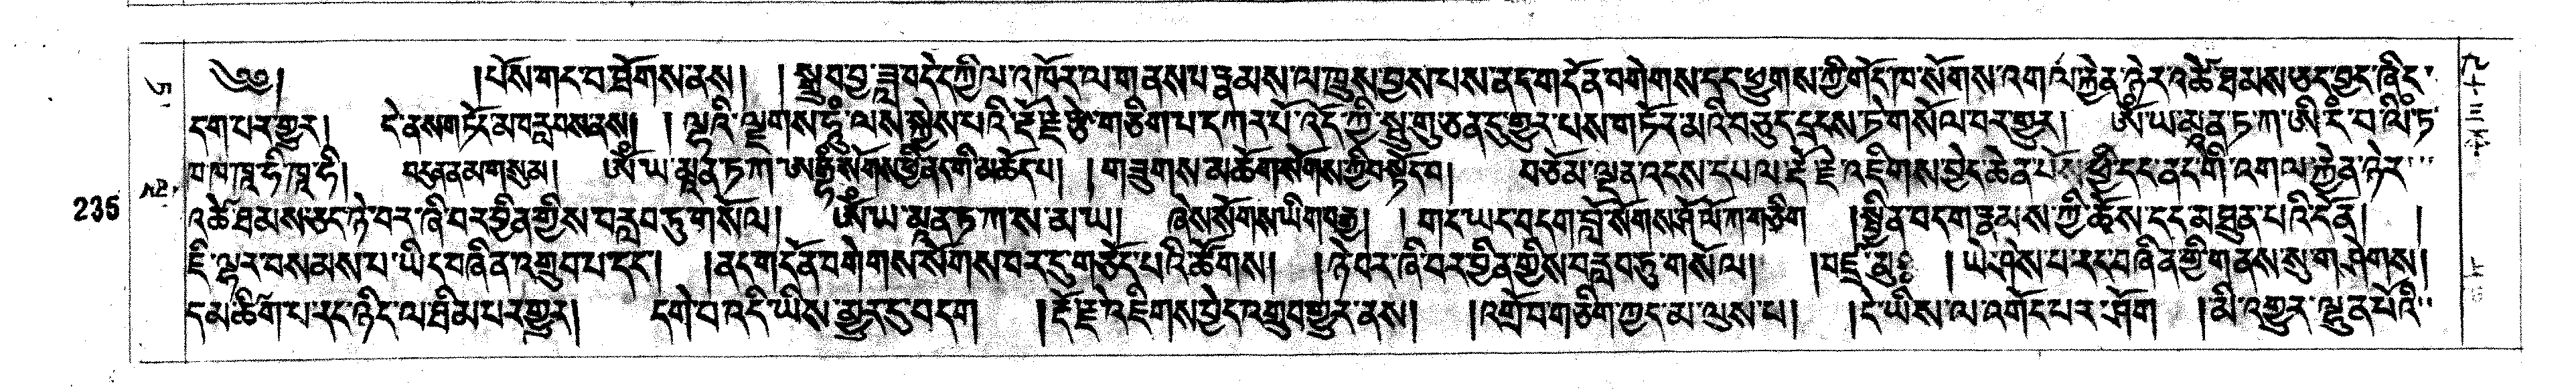༄༅། །པོས་གང་བ་ཐོགས་ནས། །སྒྲུབ་བྱ་ཟླ་བདེ་དཀྱིལ་འཁོར་ལ་གནས་པ་རྣམས་ལ་ཁྲུས་བྱས་པས་ནད་གདོན་བགེགས་དང་ཕྱུགས་ཀྱི་གོང་ཁ་སོགས་འགལ་རྐྱེན་ཉེར་འཚེ་ཐམས་ཅད་བྱང་ཞིང་
དག་པར་གྱུར། དེ་ནས་གཏོང་མ་བརླབས་ནས། །ལྷའི་ལྗགས་ཧཱུཾ་ལས་སྐྱེས་པའི་རྡོ་རྗེ་རྩེ་གཅིག་པ་དཀར་པོ་འོད་ཀྱི་སྦུ་གུ་ཅན་དུ་གྱུར་པས་གཏོར་མའི་བཅུད་དྲངས་ཏེ་གསོལ་བར་གྱུར། ཨོཾ་ཡ་མཱན་ཏ་ཀ་ཨི་དཾ་བ་ལིཾ་ཏ་
ཁ་ཁ་ཁཱ་ཧི་ཁཱ་ཧི། བདུན་ནམ་གསུམ། ཨོཾ་ཡ་མཱན་ཏ་ཀ་ཨརྒྷཾ་སོགས་ཕྱི་ནང་གི་མཆོད་པ། །གཟུགས་མཆོག་སོགས་ཀྱི་བསྟོང་བ། བཅོམ་ལྡན་འདས་དཔལ་རྡོ་རྗེ་འཇིགས་བྱེད་ཆེན་པོས་ཕྱི་དང་ནང་གི་འགལ་རྐྱེན་ཉེར་
འཚེ་ཐམས་ཅད་ཉེ་བར་ཞི་བར་བྱིན་གྱིས་བརླབ་ཏུ་གསོལ། ཨོཾ་ཡ་མཱན་ཏ་ཀ་ས་མ་ཡ། ཞེས་སོགས་ཡིག་བརྒྱ། །གང་ཡང་བདག་བློ་སོགས་ཤོ་ལོ་ཀ་གཅིག །སྦྱིན་བདག་རྣམས་ཀྱི་ཆོས་དང་མཐུན་པའི་དོན། །
ཇི་ལྷར་བསམས་པ་ཡིད་བཞིན་འགྲུབ་པ་དང་། །ནང་གདོན་བགེགས་སོགས་བར་དུ་གཅོད་པའི་ཚོགས། །ཉེ་བར་ཞི་བར་བྱིན་གྱིས་བརླབ་ཏུ་གསོལ། །བཛྲ་མུཿ་།ཡེ་ཤེས་པ་རང་བཞིན་གྱི་གནས་སུ་གཤེགས།
དམ་ཚིག་པ་རང་ཉིད་ལ་ཐིམ་པར་གྱུར། དགེ་བ་འདི་ཡིས་མྱུར་དུ་བདག །རྡོ་རྗེ་འཇིགས་བྱེད་འགྲུབ་གྱུར་ནས། །འགྲོ་བ་གཅིག་ཀྱང་མ་ལུས་པ། །དེ་ཡིས་ལ་འགོང་པར་ཤོག །མི་འགྱུར་ལྷུན་པོའི་